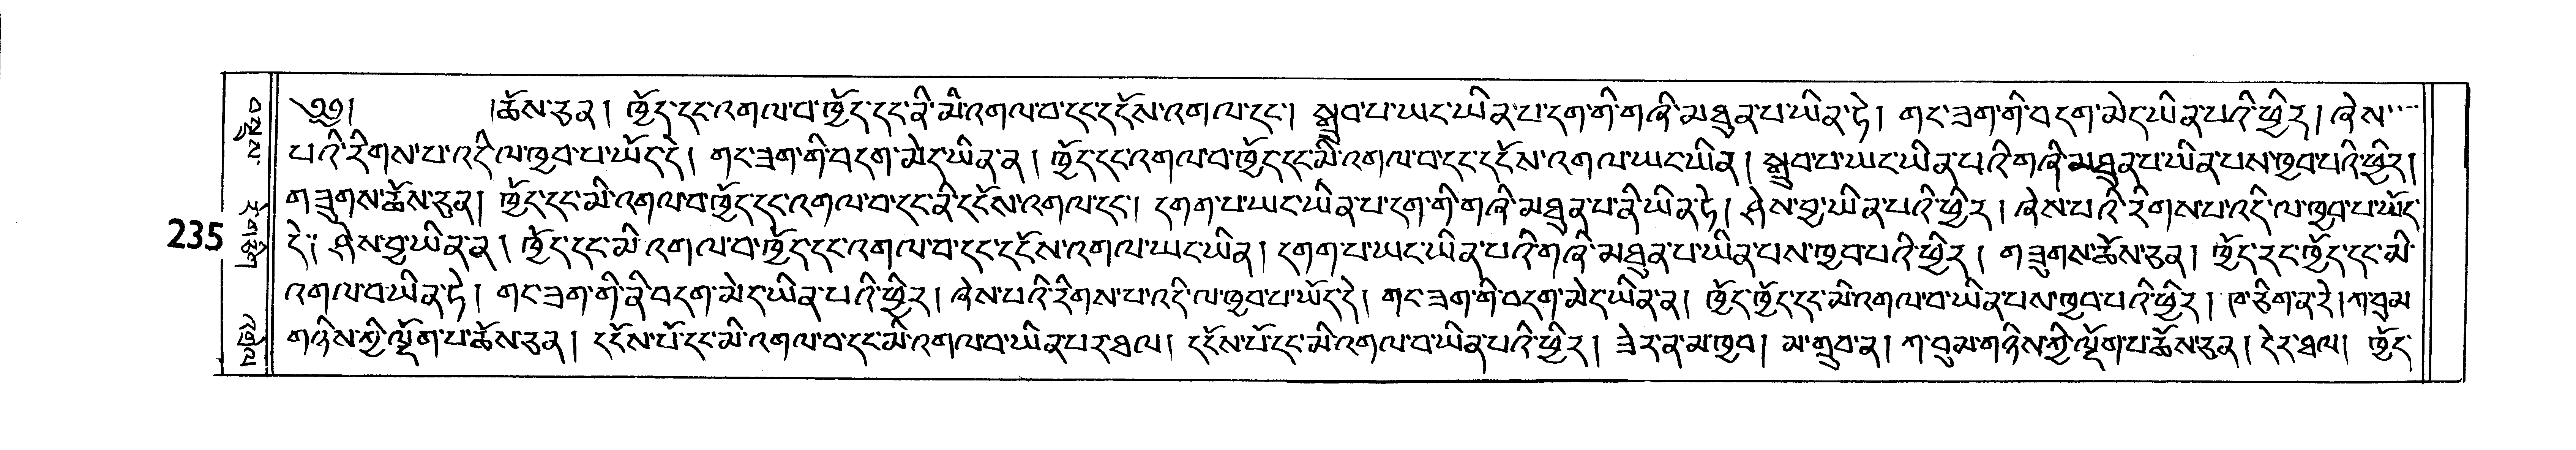༄༅། །ཆོས་ཅན། ཁྱོད་དང་འགལ་བ་ཁྱོད་དང་ནི་མི་འགལ་བ་དང་དངོས་འགལ་དང་། སྒྲུབ་པ་ཡང་ཡིན་པ་དག་གི་གཞི་མཐུན་པ་ཡིན་ཏེ། གང་ཟག་གི་བདག་མེད་ཡིན་པའི་ཕྱིར། ཞེས་པའི་རིགས་པ་འདི་ལ་ཁྱབ་པ་ཡོད་དེ། གང་ཟག་གི་བདག་མེད་ཡིན་ན། ཁྱོད་དང་འགལ་བ་ཁྱོད་དང་མི་འགལ་བ་དང་དངོས་འགལ་ཡང་ཡིན། སྒྲུབ་པ་ཡང་ཡིན་པའི་གཞི་མཐུན་པ་ཡིན་པས་ཁྱབ་པའི་ཕྱིར།
གཟུགས་ཆོས་ཅན། ཁྱོད་དང་མི་འགལ་བ་ཁྱོད་དང་འགལ་བ་དང་ནི་དངོས་འགལ་དང་། དགག་པ་ཡང་ཡིན་པ་དག་གི་གཞི་མཐུན་པ་ནི་ཡིན་ཏེ། ཤེས་བྱ་ཡིན་པའི་ཕྱིར། ཞེས་པའི་རིགས་པ་འདི་ལ་ཁྱབ་པ་ཡོད་
དེ༑ ཤེས་བྱ་ཡིན་ན། ཁྱོད་དང་མི་འགལ་བ་ཁྱོད་དང་འགལ་བ་དང་དངོས་འགལ་ཡང་ཡིན། དགག་པ་ཡང་ཡིན་པའི་གཞི་མཐུན་པ་ཡིན་པས་ཁྱབ་པའི་ཕྱིར། གཟུགས་ཆོས་ཅན། ཁྱོད་རང་ཁྱོད་དང་མི་
འགལ་བ་ཡིན་ཏེ། གང་ཟག་གི་ནི་བདག་མེད་ཡིན་པའི་ཕྱིར། ཞེས་པའི་རིགས་པ་འདི་ལ་ཁྱབ་པ་ཡོད་དེ། གང་ཟག་གི་བདག་མེད་ཡིན་ན། ཁྱོད་ཁྱོད་དང་མི་འགལ་བ་ཡིན་པས་ཁྱབ་པའི་ཕྱིར། ཁ་ཅིག་ན་རེ། ཀ་བུམ་
གཉིས་ཀྱི་ལྡོག་པ་ཆོས་ཅན། དངོས་པོ་དང་མི་འགལ་བ་དང་མི་འགལ་བ་ཡིན་པར་ཐལ། དངོས་པོ་དང་མི་འགལ་བ་ཡིན་པའི་ཕྱིར། ཟེར་ན་མ་ཁྱབ། མ་གྲུབ་ན། ཀ་བུམ་གཉིས་ཀྱི་ལྡོག་པ་ཆོས་ཅན། དེར་ཐལ། ཁྱོད་